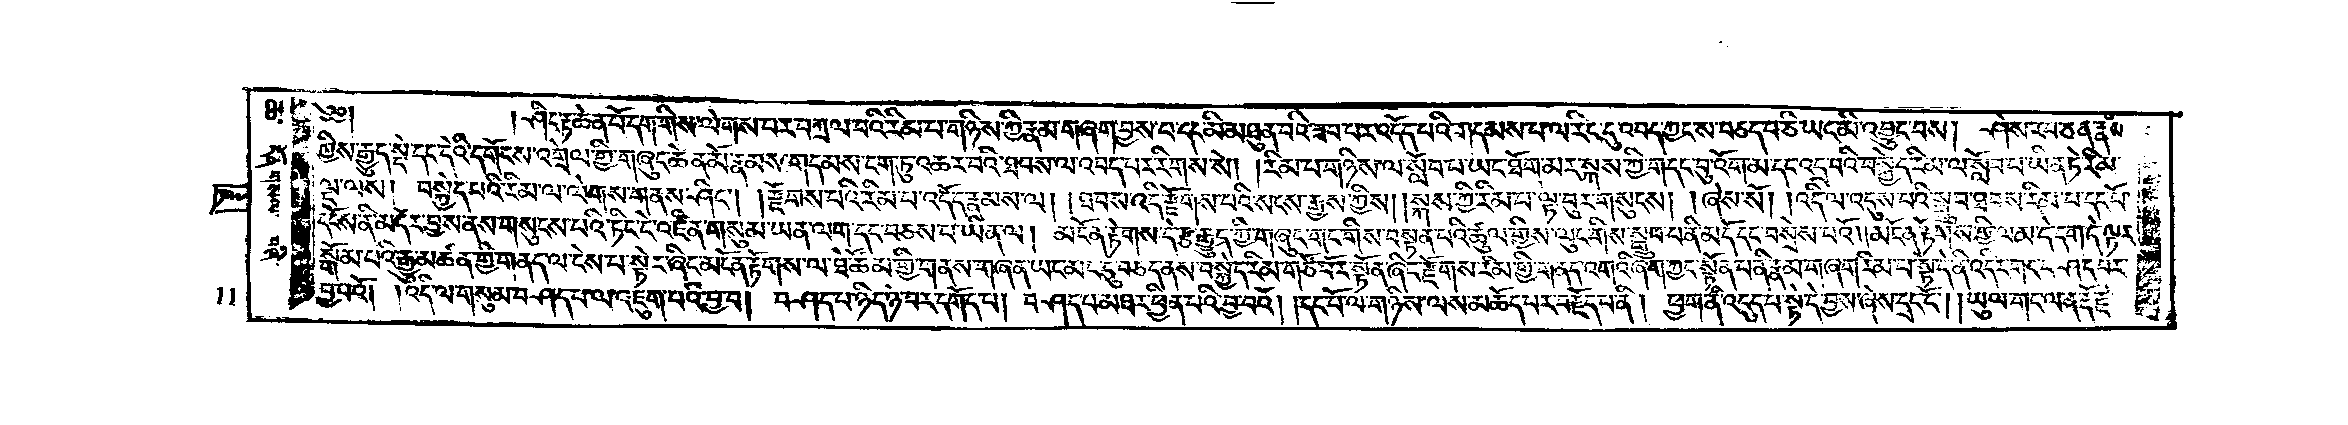༄༅། །ཤིང་རྟ་ཆེན་པོ་དག་གིས་ལེགས་པར་བཀྲལ་བའི་རིམ་པ་གཉིས་ཀྱི་རྣམ་གཞག་བྱས་པ་དང་མི་མཐུན་པའི་ཟབ་པར་འདོད་པའི་གདམས་པ་ལ་རིང་དུ་འབད་ཀྱང་ས་བཅད་པ་ཅི་ཡང་མི་འབྱུང་བས། ཤེས་རབ་ཅན་རྣམས་
ཀྱིས་རྒྱུད་སྡེ་དང་དེའི་དགོངས་འགྲེལ་གྱི་གཞུང་ཆེན་མོ་རྣམས་གདམས་ངག་ཏུ་འཆར་བའི་ཐབས་ལ་འབད་པར་རིགས་སོ། །རིམ་པ་གཉིས་ལ་སློབ་པ་ཡང་ཐོག་མར་སྐས་ཀྱི་གདང་བུ་འོག་མ་དང་འདྲ་བའི་བསྐྱེད་རིམ་ལ་སློབ་པ་ཡིན་ཏེ་རིམ་
ལྔ་ལས། བསྐྱེད་པའི་རིམ་ལ་ལེགས་གནས་ཤིང་། །རྫོགས་པའི་རིམ་པ་འདོད་རྣམས་ལ། །ཐབས་འདི་རྫོགས་པའི་སངས་རྒྱས་ཀྱིས། །སྐས་ཀྱི་རིམ་པ་ལྟ་བུར་གསུངས། །ཞེས་སོ། །འདི་ལ་འདུས་པའི་སྒྲུབ་ཐབས་རིམ་པ་དང་པོ་
དངོས་ནི་མདོར་བྱས་ནས་གསུངས་པའི་ཏིང་ངེ་འཛིན་གསུམ་ཡན་ལག་དང་བཅས་པ་ཡིན་ལ། མངོན་རྟོགས་དེ་རྩ་རྒྱུད་ཀྱི་གཞུང་གང་གིས་བསྟན་པའི་ཚུལ་གྱིས་ལུང་གིས་སྒྲུབ་པ་ནི་མདོ་དང་བསྲེས་པའོ། །མངོན་རྟོགས་ཀྱི་ལམ་དེ་དག་དེ་ལྟར་
སྒོམ་པའི་རྒྱུ་མཚན་གྱི་གནད་ལ་ངེས་པ་སྟེར་ཞིང་མངོན་རྟོགས་ལ་ཐེ་ཚོམ་གྱི་གནས་གཞན་ཡང་མང་དུ་བཅད་ནས་བསྐྱེད་རིམ་གཙོ་བོར་སྟོན་ཞིང་རྫོགས་རིམ་གྱི་གནད་འགའ་ཞིག་ཀྱང་སྟོན་པ་ནི་རྣམ་གཞག་རིམ་པ་སྟེ་དེ་ནི་འདིར་གང་བཤད་པར་
བྱ་བའོ། །འདི་ལ་གསུམ་བཤད་པ་ལ་འཇུག་པའི་བྱ་བ། བཤད་པ་ཉིད་ཉེ་བར་དགོད་པ། བཤད་པ་མཐར་ཕྱིན་པའི་བྱ་བའོ། །དང་པོ་ལ་གཉིས་ལས་མཆོད་པར་བརྗོད་པ་ནི། ཕྱག་ནི་འདུད་པ་སྟེ་དེ་བྱས་ཞེས་དྲང་ངོ། །ཡུལ་གང་ལ་ན་རྡོ་རྗེ་